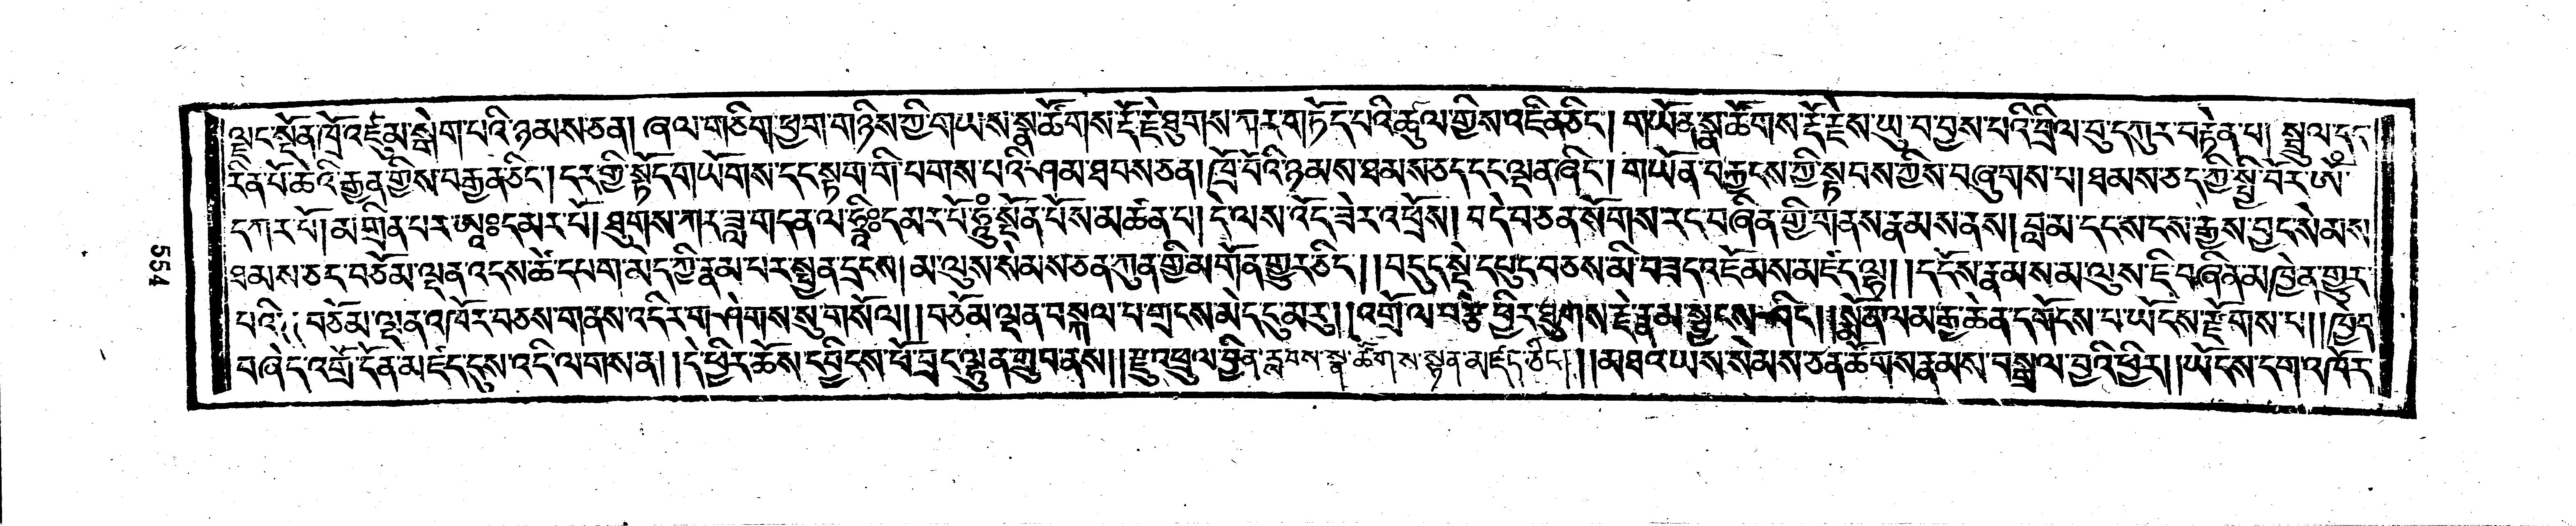ལྗང་སྔོན་ཁྲོ་འཛུམ་སྒེག་པའི་ཉམས་ཅན། ཞལ་གཅིག་ཕྱག་གཉིས་ཀྱི་གཡས་སྣ་ཚོགས་རྡོ་རྗེ་ཐུགས་ཀར་གཏོད་པའི་ཚུལ་གྱིས་འཛིན་ཅིང་། གཡོན་སྣ་ཚོགས་རྡོ་རྗེས་ཡུ་བ་བྱས་པའི་དྲིལ་བུ་དཀུར་བརྟེན་པ། སྤྲུལ་དང་
རིན་པོ་ཆེའི་རྒྱན་གྱིས་བརྒྱན་ཅིང་། དར་གྱི་སྟོད་གཡོགས་དང་སྟག་གི་པགས་པའི་ཤམ་ཐབས་ཅན། ཁྲོ་བོའི་ཉམས་ཐམས་ཅད་དང་ལྡན་ཞིང་། གཡོན་བརྐྱངས་ཀྱི་སྟབས་ཀྱིས་བཞུགས་པ། ཐམས་ཅད་ཀྱི་སྤྱི་བོར་ཨོཾ་
དཀར་པོ། མགྲིན་པར་ཨཱཿ དམར་པོ། ཐུགས་ཀར་ཟླ་གདན་ལ་ཧྲཱིཿ དམར་པོ་ཧཱུཾ་སྔོན་པོས་མཚན་པ། དེ་ལས་འོད་ཟེར་འཕྲོས། བདེ་བ་ཅན་སོགས་རང་བཞིན་གྱི་གནས་རྣམས་ནས། བླ་མ་དང་སངས་རྒྱས་བྱང་སེམས་
ཐམས་ཅད་བཅོམ་ལྡན་འདས་ཚེ་དཔག་མེད་ཀྱི་རྣམ་པར་སྤྱན་དྲངས། མ་ལུས་སེམས་ཅན་ཀུན་གྱི་མགོན་གྱུར་ཅིང་། །བདུད་སྡེ་དཔུང་བཅས་མི་བཟད་འཇོམས་མཛད་ལྷ། །དངོས་རྣམས་མ་ལུས་ཇི་བཞིན་མཁྱེན་གྱུར་
པའི༑ ༑བཅོམ་ལྡན་འཁོར་བཅས་གནས་འདིར་གཤེགས་སུ་གསོལ། །བཅོམ་ལྡན་བསྐལ་པ་གྲངས་མེད་དུ་མ་རུ། །འགྲོ་ལ་བརྩེ་ཕྱིར་ཐུགས་རྗེ་རྣམ་སྦྱངས་ཤིང་། །སྨོན་ལམ་རྒྱ་ཆེན་དགོངས་པ་ཡོངས་རྫོགས་པ། །ཁྱེད་
བཞེད་འགྲོ་དོན་མཛད་དུས་འདི་ལགས་ན། །དེ་ཕྱིར་ཆོས་དབྱིངས་ཕོ་བྲང་ལྷུན་གྲུབ་ནས། །རྫུ་འཕྲུལ་བྱིན་རླབས་སྣ་ཚོགས་སྟོན་མཛད་ཅིང་། །མཐའ་ཡས་སེམས་ཅན་ཚོགས་རྣམས་བསྒྲལ་བྱའི་ཕྱིར། །ཡོངས་དག་འཁོར་